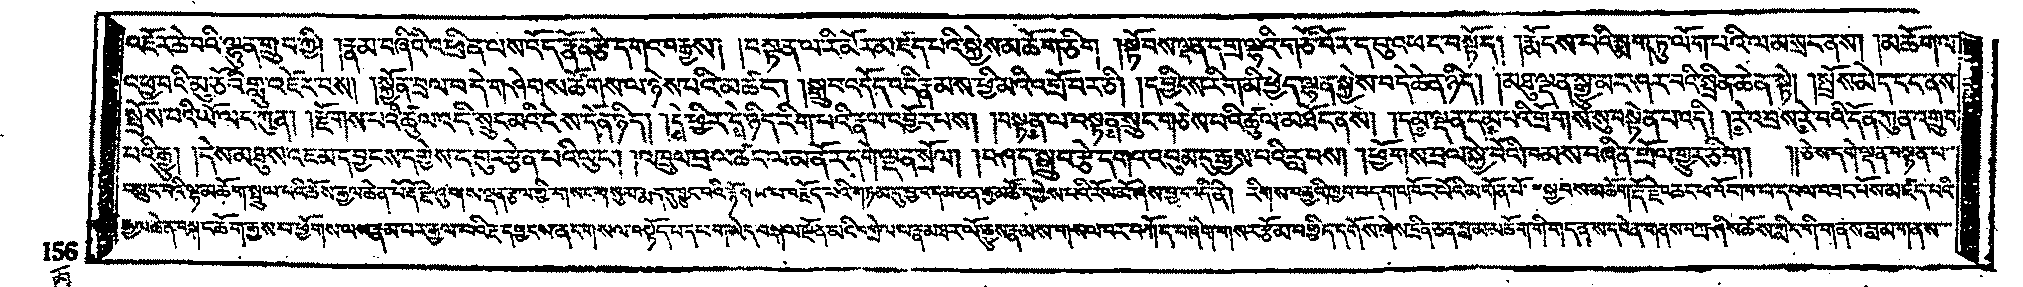འཇོར་ཆེ་བའི་ལྷུན་གྲུབ་ཀྱི། །རྣམ་བཞིའི་འཕྲིན་ལས་འོད་རྣོན་རྩེ་དགའ་བརྒྱས། །བསྟན་ལ་རི་མོར་མཛད་པའི་སྐྱེས་མཆོག་ཅིག །སྟོབས་ལྡན་དགྲ་ལྷའི་གཙོ་བོར་དབུ་འཕང་བསྟོད། །རྨོངས་པའི་སྨག་ཏུ་ལོག་པའི་ལམ་སྲང་ནས། །མཆོག་ལ་
འཕྱ་བའི་མུ་ཅོའི་གླུ་འཛེར་བས། །སྐྱོན་བྲལ་བདེ་གཤེགས་ཚོགས་ལ་ཉེས་པའི་མཚང་། །སྒྲུབ་འདོད་འདི་རྣམས་ཕྱི་མའི་འགྲོ་བར་ཅི། །དབྱིངས་རིག་མི་ཕྱེད་ལྷན་སྐྱེས་བདེ་ཆེན་ཉིད། །མཐུ་ལྡན་སྒྱུ་མར་ཤར་བའི་སྤྲིན་ཆེན་སྟེ། །སྤྲོས་མེད་ངང་ནས་
སྤྲོས་པའི་ཡོ་ལང་ཀུན། །རྫོགས་པའི་ཚུལ་འདི་སྲུང་མའི་ངེས་དོན་ཉིད། །དེ་ཕྱིར་དེ་ཉིད་རིག་པའི་རྣལ་འབྱོར་པས། །བསྟན་ལ་བསྟན་སྲུང་གཅེས་པའི་ཚུལ་མཐོང་ནས། །དམ་ལྡན་དམ་པའི་གྲོགས་སུ་བསྟེན་པ་འདི། །རེ་འབྲས་རེ་བའི་དོན་ཀུན་འགྲུབ་
པའི་རྒྱུ། །དེས་མཐུས་འཇམ་དབྱངས་དགྱེས་དགུར་རྩེན་པའི་ལུང་། །འཁྲུལ་བྲལ་ཚང་ལ་མ་ནོར་དགེ་ལྡན་སྲོལ། །བཤད་སྒྲུབ་རྩེ་དགའ་འབུམ་དུ་རྒྱས་པའི་རླབས། །ཕྱོགས་བྲལ་སྐྱེ་བོའི་ཁམས་བཞིན་གྲོལ་གྱུར་ཅིག ། །།ཅེས་དགེ་ལྡན་བསྟན་པ་
བསྲུང་བའི་ལྷ་མཆོག་སྤྲུལ་པའི་ཆོས་རྒྱལ་ཆེན་པོ་རྡོ་རྗེ་ཤུགས་ལྡན་རྩལ་གྱི་གསང་གསུམ་རྨད་དུ་བྱུང་བའི་རྟོགས་པ་བརྗོད་པའི་གཏམ་དུ་བྱ་བ་དམ་ཅན་རྒྱ་མཚོ་དགྱེས་པའི་རོལ་མོ་ཞེས་བྱ་བ་འདི་ནི། རིགས་བརྒྱའི་ཁྱབ་བདག་འཁོར་ལོའི་མགོན་པོ་༧སྐྱབས་མཆོག་རྡོ་རྗེ་འཆང་ཕ་བོང་ཁ་པ་དཔལ་བཟང་པོས་མཛད་པའི་
རྒྱལ་ཆེན་བསྐང་ཆོག་རྒྱས་པ་ཕྱོགས་ལས་རྣམ་པར་རྒྱལ་བའི་རྔ་དབྱངས་ནང་གསལ་བསྟོད་པ་དཔག་མེད་བསྐལ་སྔོན་མའི་འགྲེལ་པ་རྣམ་ཐར་ལོ་རྒྱུས་རྣམས་གསལ་བར་བཀོད་པ་ཞིག་གསར་རྩོམ་བགྱིད་དགོས་ཞེས་དྲིན་ཅན་བླ་མ་མཆོག་གི་གདན་ས་དབེན་གནས་བཀྲ་ཤིས་ཆོས་གླིང་གི་གནས་བླ་མ་གནས་